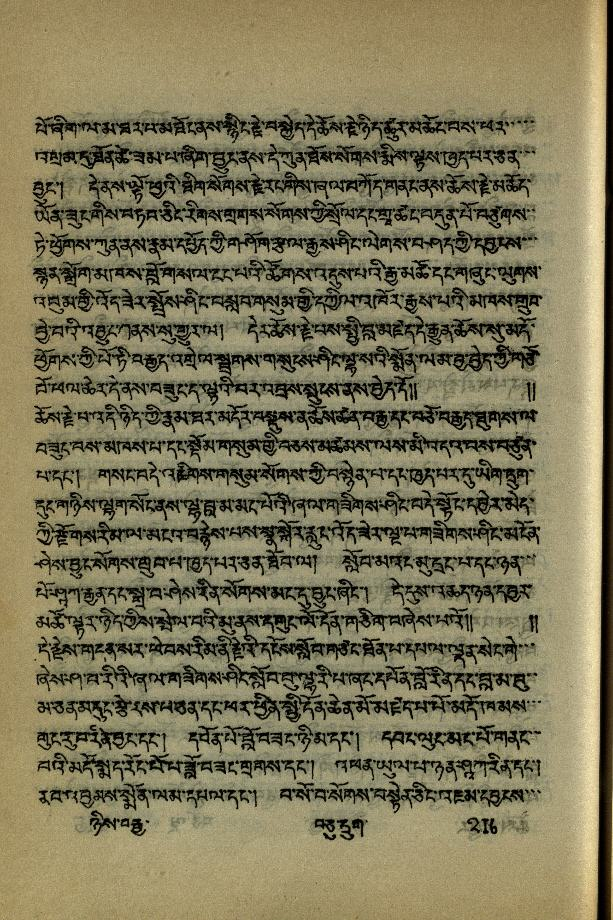པོ་ཞིག་ལ་མ་ཐར་པ་མཐོང་ནས་སྙིང་རྗེ་བསྐྱེད་དེ་ཆོས་ཇེ་ཉིད་ཚུར་མཆོང་བས་ཕར་
འགྲམ་དུ་ཐོན་ཚེ་ཟམ་པ་ཞིག་བྱུང་ནས་དེ་ཀུན་ཐོས་སོགས་རྨིས་ལྟས་ཁྱད་པར་ཅན་
བྱུང་། དེ་ནས་ཡྟོ་ཕྱའི་ཐིག་སོགས་རྗེ་རང་གིས་ཞལ་བཀོད་གནང་ནས་ཆོས་རྗེ་མཆོད་
ཡོན་ཟུང་གིས་བཏབ་ཅིང་རིགས་གྲགས་སོགས་ཀྱི་སྲོལ་དང་གྲྭ་ཚང་བདུན་པོ་བཙུགས་
ཏེ་ཕྱོགས་ཀུན་ནས་རྣམ་དཔྱོད་ཀྱི་གཤོག་རྩལ་རྒྱས་ཤིང་ལེགས་བཤད་ཀྱི་དབྱངས་
སྙན་སྒྲོག་མཁས་བློ་གསལ་ངང་པའི་ཚོགས་འདུས་པའི་རྒྱ་མཚོ་དང་གཞུང་ལུགས་
འབུམ་གྱི་འོད་ཟེར་སྤྲོས་ཤིང་བསླབ་གསུམ་གྱི་དཀྱིལ་འཁོར་རྒྱས་པའི་མཁས་གྲུབ་
བྱེ་བའི་འབྱུང་གནས་སུ་གྱུར་ལ། དེར་ཆོས་རྗེ་པས་སྤྱི་བླ་མཛད་དེ་རྒྱུན་ཆོས་སུ་མདོ་
ཕྱོགས་ཀྱི་པོ་ཏི་བརྒྱད་འགྲེལ་སྦྲགས་གསུངས་ཤིང་ལྷ་སའི་སྨོན་ལམ་བྱ་བྱེད་ཀྱི་གཙོ་
བོ་ཕལ་ཆེར་དེ་ནས་བཟུང་ད་ལྟའི་བར་འབྲས་སྤུངས་ནས་བྱེད་དོ།། །།
ཆོས་རྗེ་པ་འདི་ཉིད་ཀྱི་རྣམ་ཐར་མདོར་བསྡུས་ན་ཆོས་ཚན་བརྒྱ་དང་བཅོ་བརྒྱད་ཐུགས་ལ་
བཟུང་བས་མཁས་པ་དང་སྡོམ་གསུམ་གྱི་བཅས་མཚམས་ལས་མི་འདའ་བས་བཙུན་
པ་དང་། གསང་བདེ་འཚིགས་གསུམ་སོགས་ཀྱི་བསྙེན་པ་དང་ཁྱད་པར་དུ་ཡིག་དྲུག་
དུང་གཉིས་ལྷག་སོང་ནས་ལྷ་བླ་མ་མང་པོའི་ཞལ་གཟིགས་ཤིང་བདེ་སྟོང་དབྱེར་མེད་
ཀྱི་རྫོགས་རིམ་ལ་མངའ་བརྙེས་པས་སྣ་སྒོར་རླུང་འོད་ཟེར་ལྔ་པ་གཟིགས་ཤིང་མངོན་
ཤེས་བྱུང་སོགས་གྲུབ་པ་ཁྱད་པར་ཅན་ཐོབ་ལ། སློབ་མའང་མུ་དྲང་པ་དང་ཉན་
པོ་ཤཱཀ་རྒྱན་དང་སྒྲ་བ་ཤེས་རིན་སོགས་མང་དུ་བྱུང་ཞིང་། དེ་དུས་འཆད་ཉན་དབྱར་
མཚོ་ལྟར་ཉིད་ཀྱིས་སྤེལ་བའི་མུ་ནས་དགུང་ལོ་དོན་གཅིག་བཞེས་པའོ།། །།
དེ་རྗེས་གདན་སར་ཕེབས་རིམ་ནི་རྗེའི་དངོས་སློབ་གཙང་ཐོན་པ་དཔལ་ལྡན་སེང་གེ་
ཞེས་ཤ་བ་རིའི་ཞལ་གཟིགས་ཤིང་སློབ་བུ་ལྷ་རི་པ་ཞང་དཔོན་བློ་རིན་དང་བླ་མ་བུ་
མ་ཅན་མདུང་རྩེ་རས་པ་ཅན་དང་ཕར་ཕྱིན་སྤྱི་དོན་ཆེན་མོ་མཛད་པ་པོ་མདོ་ཁམས་
གུང་རུ་བ་རིན་བྱང་དང་། དཔོན་པོ་བློ་བཟང་ཉི་མ་དང་། དབང་ལུང་མང་པོ་གནང་
བའི་མདོ་སྨད་རོང་པོ་ལ་ཟློ་བཟང་གྲགས་དང་། འཕན་ཡུལ་པ་ཉན་ཤཱཀ་རིན་དང་།
རབ་འབྱམས་སྨོན་ལམ་དཔལ་དང་། བ་སོ་བ་སོགས་བསྟེན་ཅིང་འཇམ་དབྱངས་